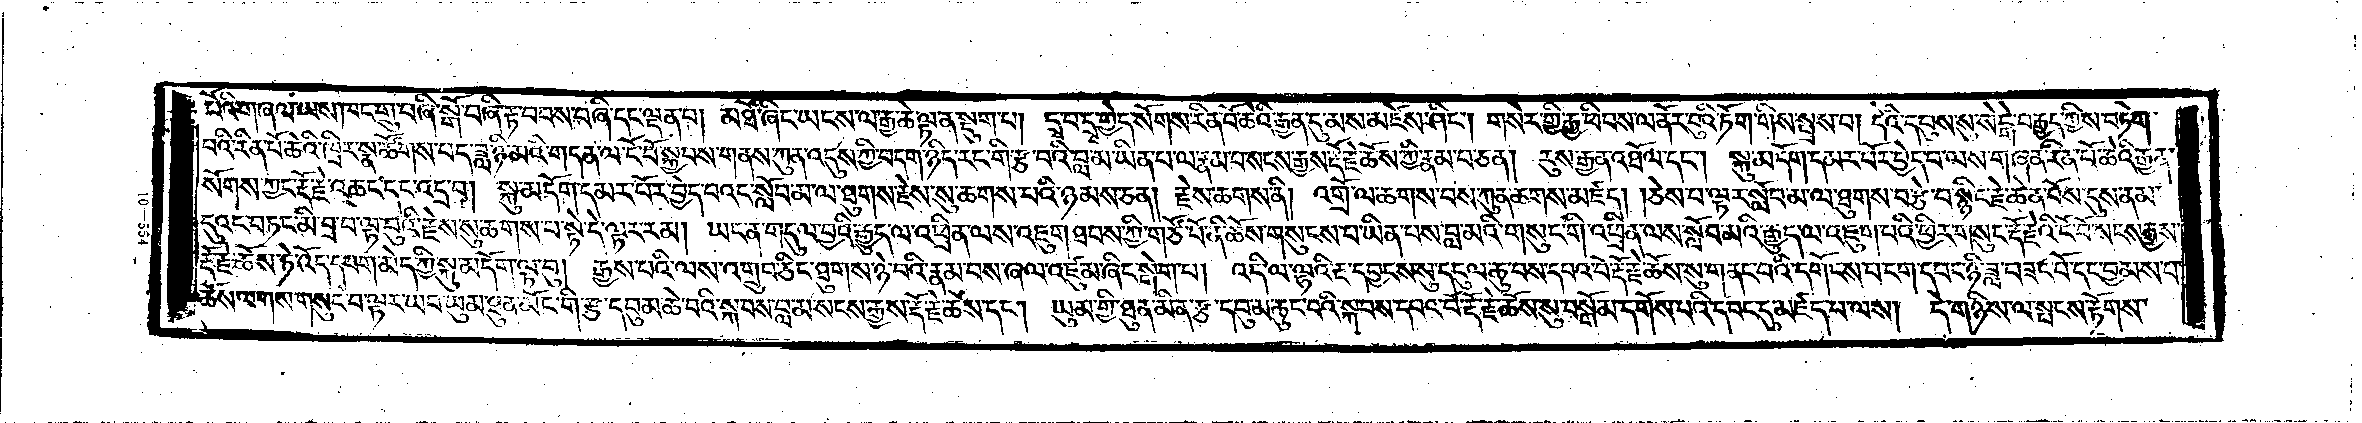པོའི་གཞལ་ཡས་ཁང་གྲུ་བཞི་སྒོ་བཞི་རྟ་བབས་བཞི་དང་ལྡན་པ། མཐོ་ཞིང་ཡངས་ལ་རྒྱ་ཆེ་ལྟ་ན་སྡུག་པ། དྲྭ་བ་དྲྭ་ཕྱེད་སོགས་རིན་པོ་ཆེའི་རྒྱན་དུ་མས་མཛེས་ཤིང་། གསེར་གྱི་རྒྱ་ཕིབས་ལ་ནོར་བུའི་ཏོག་གིས་སྤྲས་པ། དེའི་དབུས་སུ་སེངྒེ་བརྒྱད་ཀྱིས་བཏེག་
པའི་རིན་པོ་ཆེའི་ཁྲིར་སྣ་ཚོགས་པད་ཟླ་ཉི་མའི་གདན་ལ་ངོ་བོ་སྐྱབས་གནས་ཀུན་འདུས་ཀྱི་བདག་ཉིད་རང་གི་རྩ་བའི་བླ་མ་ཡིན་པ་ལ་རྣམ་པ་སངས་རྒྱས་རྡོ་རྗེ་ཆོས་ཀྱི་རྣམ་པ་ཅན། རུས་རྒྱན་འཐོལ་དང་། སྐུ་མདོག་དམར་པོར་བྱེད་པ་ལས་གཞན་རིན་པོ་ཆེའི་རྒྱན་
སོགས་ཀྱང་རྡོ་རྗེ་འཆང་དང་འདྲ་བ། སྐུ་མདོག་དམར་པོར་བྱེད་པའང་སློབ་མ་ལ་ཐུགས་རྗེས་སུ་ཆགས་པའི་ཉམས་ཅན། རྗེས་ཆགས་ནི། འགྲོ་ལ་ཆགས་པས་ཀུན་ཆགས་མཛད། །ཅེས་པ་ལྟར་སློབ་མ་ལ་ཐུགས་བརྩེ་བ་སྙིང་རྗེ་ཆེན་པོས་དུས་ནམ་
དུའང་བཏང་མི་བྲ་བ་ལྟ་བུའི་རྗེས་སུ་ཆགས་པ་སྟེ་དེ་ལྟར་རམ། ཡང་ན་གདུལ་བྱའི་རྒྱུད་ལ་འཕྲིན་ལས་འཇུག་ཐབས་ཀྱི་གཙོ་བོ་ནི་ཆོས་གསུངས་པ་ཡིན་པས་བླ་མའི་གསུང་གི་འཕྲིན་ལས་སློབ་མའི་རྒྱུད་ལ་འཇུག་པའི་ཕྱིར་གསུང་རྡོ་རྗེའི་ངོ་བོ་སངས་རྒྱས་
རྡོ་རྗེ་ཆོས་ཏེ་འོད་དཔག་མེད་ཀྱི་སྐུ་མདོག་ལྟ་བུ། རྒྱས་པའི་ལས་འགྲུབ་ཅིང་ཐུགས་ཉེ་བའི་རྣམ་པས་ཞལ་འཛུམ་ཞིང་སྒེག་པ། འདི་ལ་ལྷའི་རྔ་དབྱངས་སུ་དངུལ་ཆུ་བས་དཔའ་བོ་རྡོ་རྗེ་ཆོས་སུ་གནང་བའི་དགོངས་པ་ངག་དབང་ཉི་ཟླ་བཟང་པོ་དང་བྱམས་པ་
ཆོས་ལེགས་གསུང་པ་ལྟར་ཡབ་ཡུམ་ཐུན་མོང་གི་རྩ་དབུ་མ་ཆེ་བའི་སྐབས་བླ་མ་སངས་རྒྱས་རྡོ་རྗེ་ཆོས་དང་། ཡུམ་གྱི་ཐུན་མིན་རྩ་དབུ་མ་ཆུང་བའི་སྐབས་དཔའ་བོ་རྡོ་རྗེ་ཆོས་སུ་བསྒོམ་དགོས་པའི་དབང་དུ་མཛད་པ་ལས། དེ་གཉིས་ལ་སྤངས་རྟོགས་